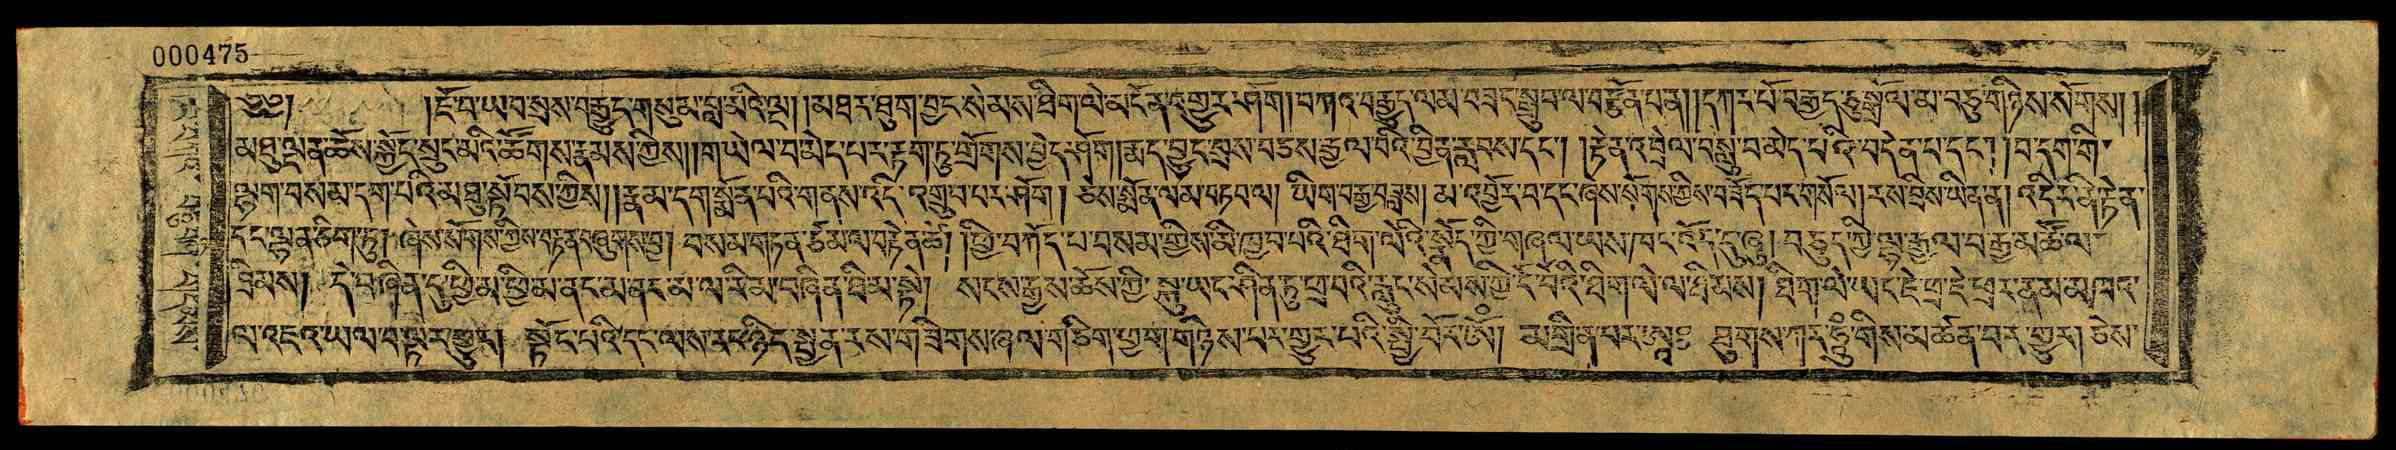༄༅། །ཇོ་བོ་ཡབ་སྲས་བརྒྱུད་གསུམ་བླ་མའི་ལྔ། །མཐར་ཐུག་བྱང་སེམས་ཐིག་ལེ་མངོན་འགྱུར་ཤོག །བཀའ་བརྒྱུད་ལམ་བཟང་སྒྲུབ་ལ་བརྩོན་པ་ན། །དཀར་པོ་བརྒྱད་ཅུ་སྒྲོལ་མ་བཅུ་གཉིས་སོགས། །
མཐུ་ལྡན་ཆོས་སྐྱོང་སྲུང་མའི་ཚོགས་རྣམས་ཀྱིས། །གཡེལ་བ་མེད་པར་རྟག་ཏུ་གྲོགས་བྱེད་ཤོག །རྨད་བྱུང་སྲས་བཅས་རྒྱལ་བའི་བྱིན་རླབས་དང་། །རྟེན་འབྲེལ་བསླུ་བ་མེད་པའི་བདེན་པ་དང་། །བདག་གི་
ལྷག་བསམ་དག་པའི་མཐུ་སྟོབས་ཀྱིས། །རྣམ་དག་སྨོན་པའི་གནས་འདི་འགྲུབ་པར་ཤོག ། ཅེས་སྨོན་ལམ་བཏབ་ལ། ཡིག་བརྒྱ་བཟླས། མ་འབྱོར་པ་དང་ཞེས་སོགས་ཀྱིས་བཟོད་པར་གསོལ། རས་བྲིས་ཡིན་ན། འདིར་ནི་རྟེན་
དང་ལྷན་ཅིག་ཏུ། ཞེས་སོགས་ཀྱི་བརྟན་བཞུགས་བྱ། བསམ་གཏན་ཙམ་ལ་བརྟེན་ཚེ། ཕྱི་བཀོད་པ་བསམ་གྱིས་མི་ཁྱབ་པའི་ཐིག་ལེའི་སྣོད་ཀྱི་གཞལ་ཡས་ཁང་འོད་དུ་ཞུ། བཅུད་ཀྱི་ལྷ་རྒྱལ་བརྒྱ་མཚོ་ལ་
ཐིམས། དེ་བཞན་དུ་ཕྱི་མ་ཕྱི་མ་ནང་མནང་མ་ལ་རིམ་བཞིན་ཐིམ་སྟེ། སངས་རྒྱས་ཆོས་ཀྱི་སྐུ་ཡང་ཤིན་ཏུ་ཕྲ་བའི་རླུང་སེམས་ཀྱི་ངོ་བོའི་ཐིག་ལེ་ལ་ཐིམས། ཐིག་ལེ་ཡང་ཇེ་ཕྲ་ཇེ་ཕྲར་ནམ་མཁའ་
ལ་འཇའ་ཡལ་བ་ལྟར་གྱུར། སྟོང་པའི་ངང་ལས་རང་ཉིད་སྤྱན་རས་གཟིགས་ཞལ་གཅིག་ཕྱག་གཉིས་པར་གྱུར་པའི་སྤྱི་བོར་ཨོཾ། མགྲིན་པར་ཨཱཿ ཐུགས་ཀ་྾་ཧཱུཾ་གིས་མཚན་པར་གྱུར། ཅེས་